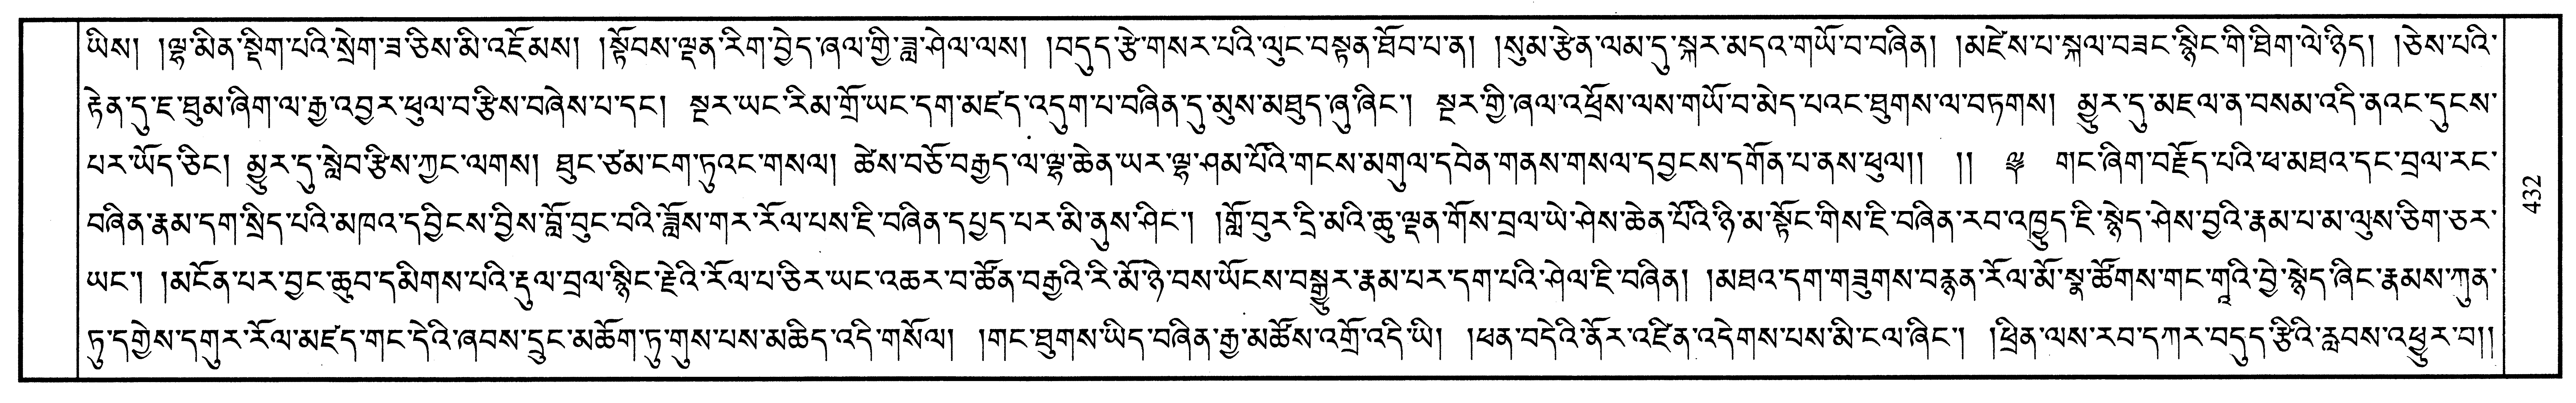ཡིས། །ལྷ་མིན་སྡིག་པའི་སྲེག་ཟ་ཅིས་མི་འཇོམས། །སྟོབས་ལྡན་རིག་བྱེད་ཞལ་གྱི་ཟླ་ཤེལ་ལས། །བདུད་རྩེ་གསར་པའི་ལུང་བསྟན་ཐོབ་པ་ན། །སུམ་རྩེན་ལམ་དུ་སྐར་མདའ་གཡོ་བ་བཞིན། །མཛེས་པ་སྐལ་བཟང་སྙིང་གི་ཐིག་ལེ་ཉིད། །ཅེས་པའི་
རྟེན་དུ་ཇ་ཐུམ་ཞིག་ལ་རྒྱ་འབྱར་ཕུལ་བ་རྩིས་བཞེས་པ་དང་། སྔར་ཡང་རིམ་གྲོ་ཡང་དག་མཛད་འདུག་པ་བཞིན་དུ་མུས་མཐུད་ཞུ་ཞིང་། སྔར་གྱི་ཞལ་འཕྲོས་ལས་གཡོ་བ་མེད་པའང་ཐུགས་ལ་བཏགས། མྱུར་དུ་མཇལ་ན་བསམ་འདི་ནའང་དུངས་
པར་ཡོད་ཅིང་། མྱུར་དུ་སླེབ་རྩིས་ཀྱང་ལགས། ཐུང་ཙམ་ངག་ཏུའང་གསལ། ཚེས་བཅོ་བརྒྱད་ལ་ལྷ་ཆེན་ཡར་ལྷ་ཤམ་པོའི་གངས་མགུལ་དབེན་གནས་གསལ་དབྱངས་དགོན་པ་ནས་ཕུལ།། །། ༈ གང་ཞིག་བརྗོད་པའི་ཕ་མཐའ་དང་བྲལ་རང་
བཞིན་རྣམ་དག་སྲིད་པའི་མཁའ་དབྱིངས་བྱིས་བློ་བུང་བའི་ཟློས་གར་རོལ་པས་ཇི་བཞིན་དཔྱད་པར་མི་ནུས་ཤིང་། །གློ་བུར་དྲི་མའི་ཆུ་ལྡན་གོས་བྲལ་ཡེ་ཤེས་ཆེན་པོའི་ཉི་མ་སྟོང་གིས་ཇི་བཞིན་རབ་འཁྱུད་ཇི་སྙེད་ཤེས་བྱའི་རྣམ་པ་མ་ལུས་ཅིག་ཅར་
ཡང་། །མངོན་པར་བྱང་ཆུབ་དམིགས་པའི་རྡུལ་བྲལ་སྙིང་རྗེའི་རོལ་པ་ཅིར་ཡང་འཆར་བ་ཚོན་བརྒྱའི་རི་མོ་ཉེ་བས་ཡོངས་བསྒྱུར་རྣམ་པར་དག་པའི་ཤེལ་ཇི་བཞིན། །མཐའ་དག་གཟུགས་བརྙན་རོལ་མོ་སྣ་ཚོགས་གང་གཱའི་བྱེ་སྙེད་ཞིང་རྣམས་ཀུན་
ཏུ་དགྱེས་དགུར་རོལ་མཛད་གང་དེའི་ཞབས་དྲུང་མཆོག་ཏུ་གུས་པས་མཆིད་འདི་གསོལ། །གང་ཐུགས་ཡིད་བཞིན་རྒྱ་མཚོས་འགྲོ་འདི་ཡི། །ཕན་བདེའི་ནོར་འཛིན་འདེགས་པས་མི་ངལ་ཞིང་། །ཕྲིན་ལས་རབ་དཀར་བདུད་རྩིའི་རླབས་འཕྱུར་བ།།